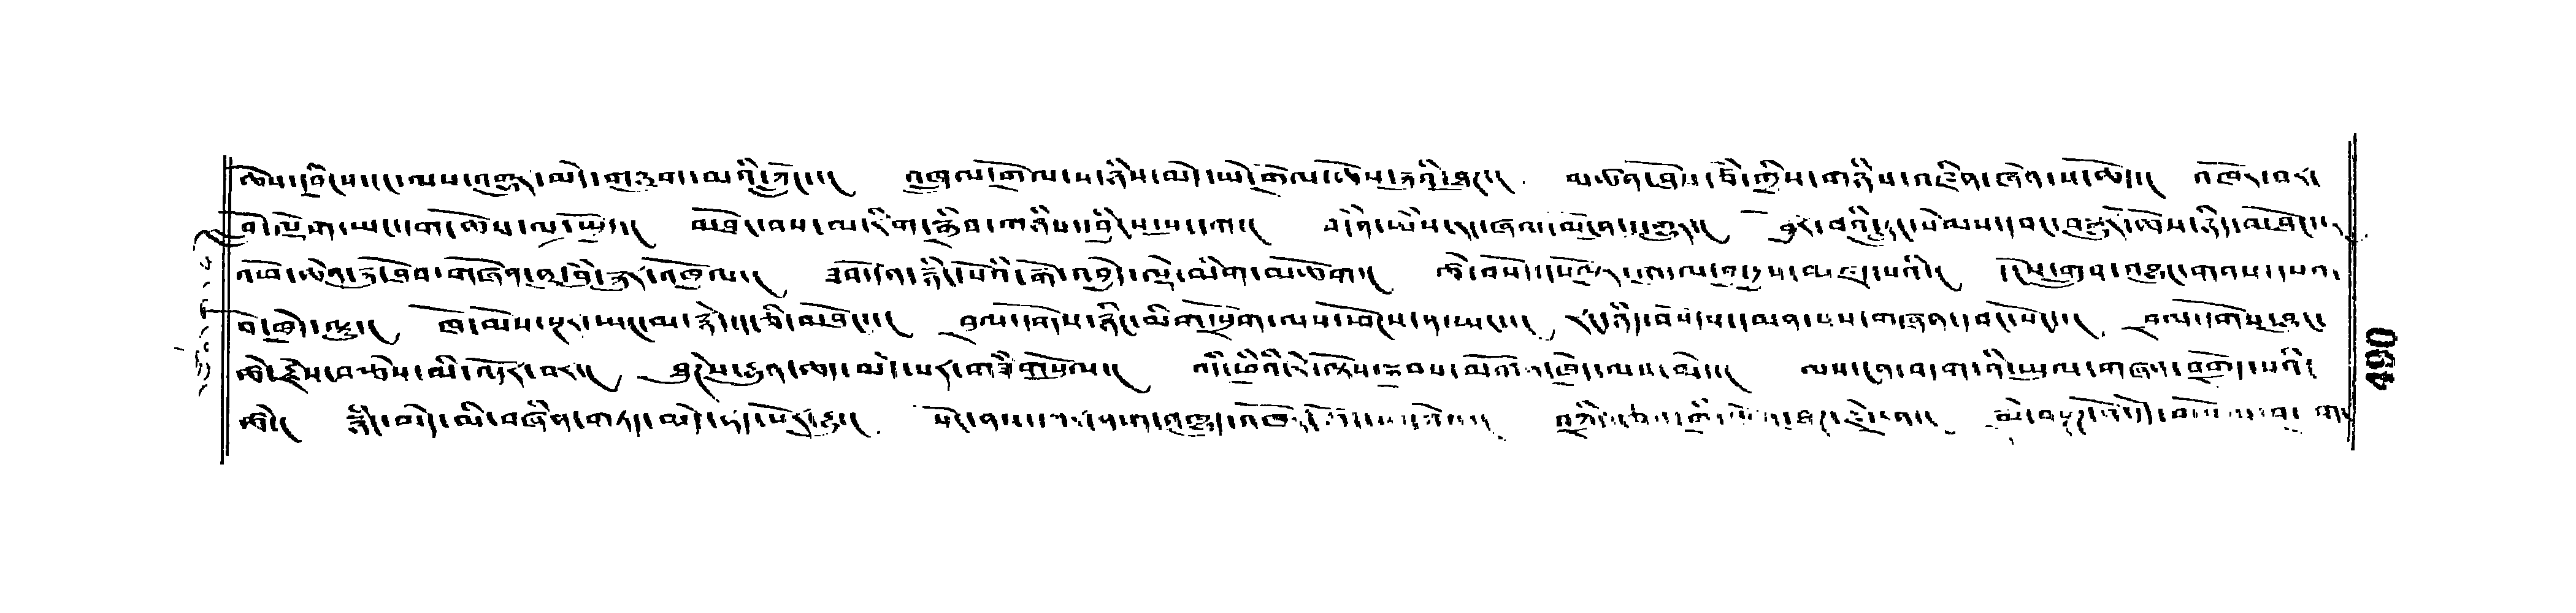།ཆོས་དབྱིངས་ངང་ལས་འགྱུར་མེད་གཉུག་མའི་ཀློང་། །འཁྲུལ་གྲོལ་གཉིས་མེད་ཡེ་གྲོལ་ཆོས་སྐུའི་ཐུགས། །མཚན་ཐོས་ཙམ་གྱིས་གཉིས་འཛིན་ཞེན་པ་ཆོད། །འཁོར་བར་
བློ་ལྡོག་ཡང་དག་ཆོས་ལ་སྤྱོད། །མཐོང་བས་མ་རིག་སྒྲིབ་གཉིས་དབྱིངས་སུ་དག །བདེ་ཆེན་ཡེ་ཤེས་རང་ཞལ་མངོན་དུ་གྱུར། །སྦྱོར་བའི་རླུང་སེམས་དབང་བསྒྱུར་ཆོས་ཉིད་མཐོང་། །
འཕོ་ཆེན་སྐུ་ཐོབ་གཞོན་ནུ་བུམ་སྐུར་འཁྱོལ། །ཟབ་དོན་སྙིང་པོའི་སྒོ་འབྱེད་ལྡེ་མིག་མཆོག །ཚེ་བསོད་དཔལ་འབྱོར་གདུལ་བྱ་རྒྱས་མཛད་པའི། །དངོས་གྲུབ་འབྱུང་གནས་དཔའ་
བོ་ཁྱོད་ལྟ་བུ།ཁོ་མོས་སྔར་ཡང་མ་རྙེད་ད་ཅི་མཐོང་། །བྲལ་དགོས་སྙིང་མིག་སྲོག་ལས་ཕངས་ན་ཡང་། །རང་ཉིད་བསོད་ནམས་དམན་པས་གཞན་དབང་སོང་། །བྲལ་དགོས་བྱུང་
ཚེ་རྗེས་བརྩེས་མི་འདོར་བར། །ཐུགས་རྗེས་རྒྱུན་ཆད་མེད་པར་གཟིགས་སུ་གསོལ། འདི་ཕྱིའི་རེ་ལྟོས་སྐྱབས་མགོན་ཁྱེད་ལས་མེད། །ལས་ངན་བདག་ནི་ཡུལ་གཞན་བགྲོད་པའི་
ཚེ། །སྙིང་མེད་མི་བཞིན་གཏད་མེད་ཧད་པོར་རྒྱུ། །སོང་ནས་དཀར་ནག་འཁྱུད་འཁོར་ཆོད་པ་དཀོན། བཀའ་དྲིན་ཅན་གྱི་ཡོན་ཏན་ཐུགས་རྗེ་དྲན། །སྨྲེ་བསྔགས་འོ་དོད་གསོལ་བ་དྲག་